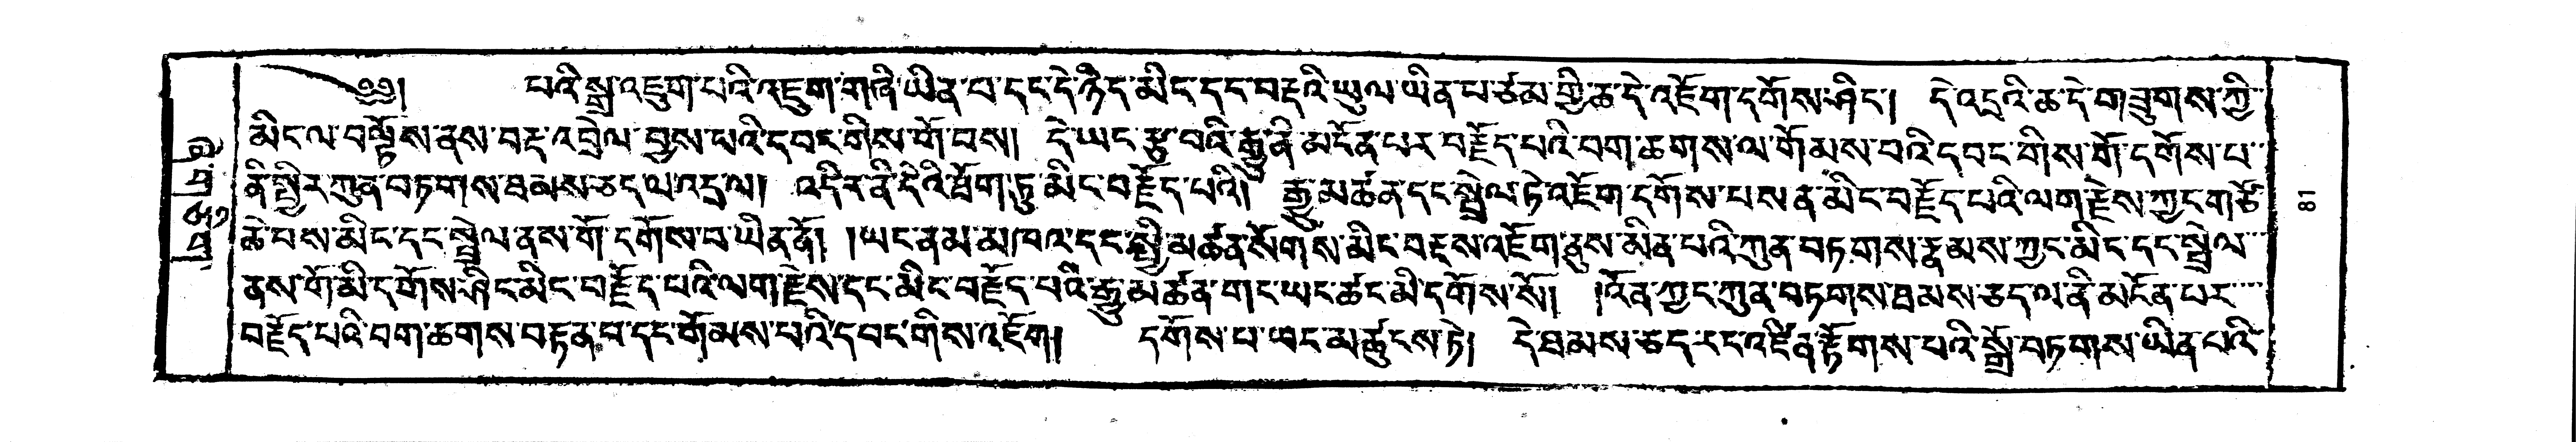༄༅། །པའི་སྒྲ་འཇུག་པའི་འཇུག་གཞི་ཡིན་པ་དང་དེ་ཉིད་མིང་དང་བརྡའི་ཡུལ་ཡིན་པ་ཙམ་གྱི་ཆ་དེ་འཇོག་དགོས་ཤིང་། དེ་འདྲའི་ཆ་དེ་གཟུགས་ཀྱི་
མིང་ལ་བལྟོས་ནས་བརྡ་འབྲེལ་བྱས་པའི་དབང་གིས་གོ་བས། དེ་ཡང་རྩ་བའི་རྒྱུ་ནི་མངོན་པར་བརྗོད་པའི་བག་ཆགས་ལ་གོམས་པའི་དབང་གིས་གོ་དགོས་པ་
ནི་སྤྱིར་ཀུན་བཏགས་ཐམས་ཅད་ལ་འདྲ་ལ། འདིར་ནི་དེའི་ཐོག་ཏུ་མིང་བརྗོད་པའི། རྒྱུ་མཚན་དང་སྦྲེལ་ཏེ་འཇོག་དགོས་པས་ན་མིང་བརྗོད་པའི་ལག་རྗེས་ཀྱང་གཙོ་
ཆེ་བས་མིང་དང་སྦྲེལ་ནས་གོ་དགོས་པ་ཡིན་ནོ། །ཡང་ནམ་མཁའ་དང་སྤྱི་མཚན་སོགས་མིང་བརྡས་འཇོག་ནུས་མིན་པའི་ཀུན་བཏགས་རྣམས་ཀྱང་མིང་དང་སྦྲེལ་
ནས་གོ་མི་དགོས་ཤིང་མིང་བརྗོད་པའི་ལག་རྗེས་དང་མིང་བརྗོད་པའི་རྒྱུ་མཚན་གང་ཡང་ཚང་མི་དགོས་སོ། །འོན་ཀྱང་ཀུན་བཏགས་ཐམས་ཅད་ལ་ནི་མངོན་པར་
བརྗོད་པའི་བག་ཆགས་བརྟན་པ་དང་གོམས་པའི་དབང་གིས་འཇོག། དགོས་པ་ཡང་མཚུངས་ཏེ། དེ་ཐམས་ཅད་རང་འཛིན་རྟོགས་པའི་སྒྲོ་བཏགས་ཡིན་པའི་